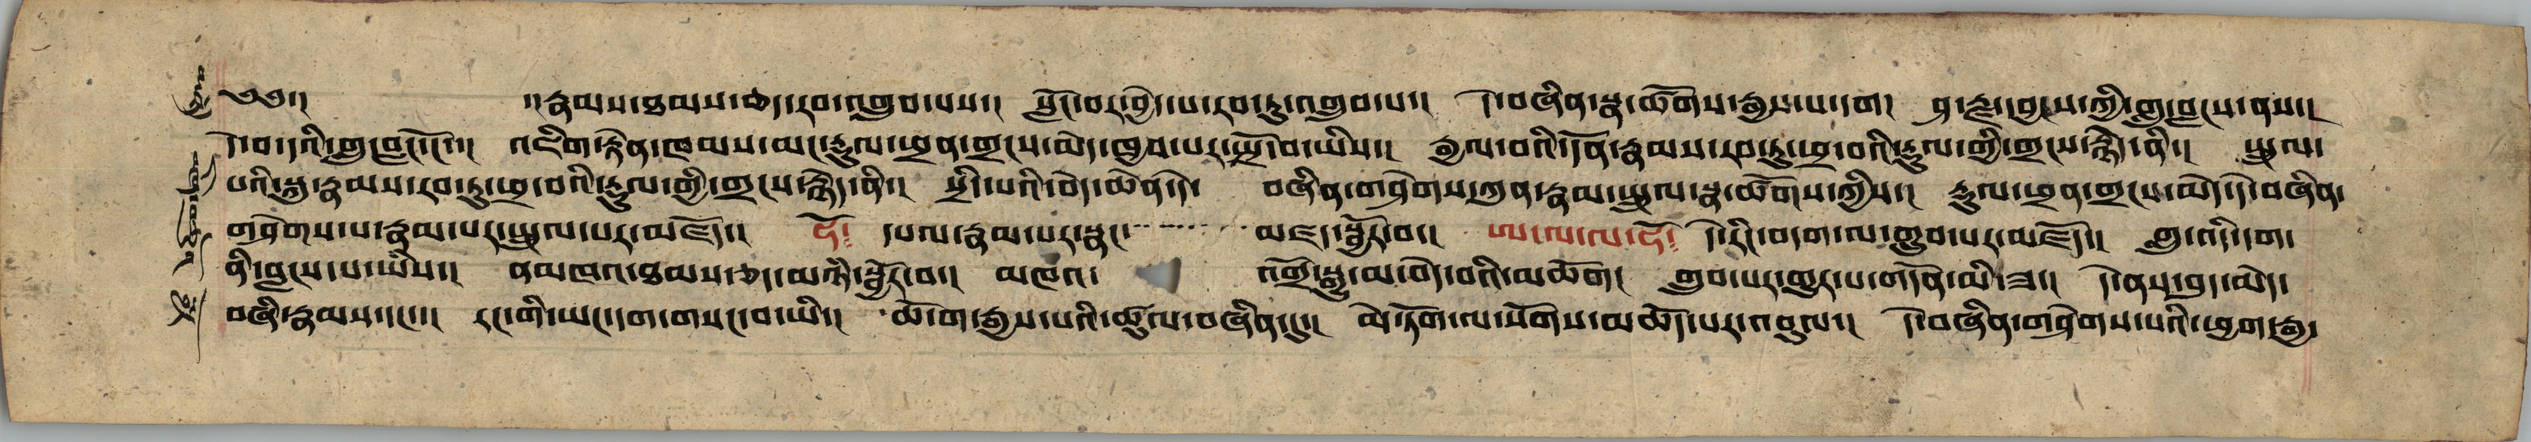༄༅་། ་།རྣམས་ཐམས་ཅད་རབ་འགྲུབ་པས་། སློང་བར་བྱེད་པ་རབ་ཏུ་འགྲུབ་པ་། དེ་བཞིན་སྣ་ཚོགས་རྒྱས་པ་དག། ཤ་རྫ་དབྱངས་ཀྱི་གླུ་བླངས་ནས་།
དེ་བ་དའི་གླུ་བླང་ངོ་། འཇིག་རྟེན་ཁམས་མང་རྡུལ་ཕྲན་གྲངས་མེད་ཁྱབ་པར་སྤྲོ་བ་ཡིས་། རྒྱལ་བའི་དོན་རྣམས་རབ་ཏུ་ཕྲ་བའི་རྡུལ་གྱི་གྲངས་རྙེད་ནི་། སྤྲུལ་
པའི་སྐུ་རྣམས་རབ་ཏུ་ཕྲ་བའི་རྡུལ་གྱི་གྲངས་རྙེད་ནི་། སྲིད་པའི་བདེ་ཆེན་དེ་ བཞིན་གཤེགས་ཀུན་རྣམ་སྤྲུལ་སྣ་ཚོགས་ཀྱིས་། རྡུལ་ཕྲན་གྲངས་མེད་དེ་བཞིན་
གཤེགས་པ་རྣམ་པར་སྤྲུལ་པར་མཛོད་། ཧོ་ དཔལ་རྣམ་པར་སྣང་ མཛད་སྦྱོར་བ་། ཨ་ལ་ལ་ཧོ་། དེ་རིང་བདག་ལ་གྲུབ་པར་མཛོད་། གླུ་འདི་དག་
ནི་བླངས་པ་ཡིས་། ནམཁའ་ཐམས་ཅད་མཉཾ་སྦྱོར་བ་། མཁའ་ འགྲོ་སྒྱུ་མ་བདེ་བའི་མཆོག། གྲུབ་པར་གྱུར་པ་གདོན་མི་ཟ་། དེ་ནས་བུད་མེད་
བཞི་རྣམས་དང་། རང་གི་ཡང་དག་གསང་བ་ཡི་། ཆོ་ག་རྒྱས་པའི་ཚུལ་བཞིན་དུ་། མེ་ཏོག་ལ་སོགས་མཆོད་པར་འབུལ་། དེ་བཞིན་གཤེགས་པའི་ཕྱག་རྒྱ་